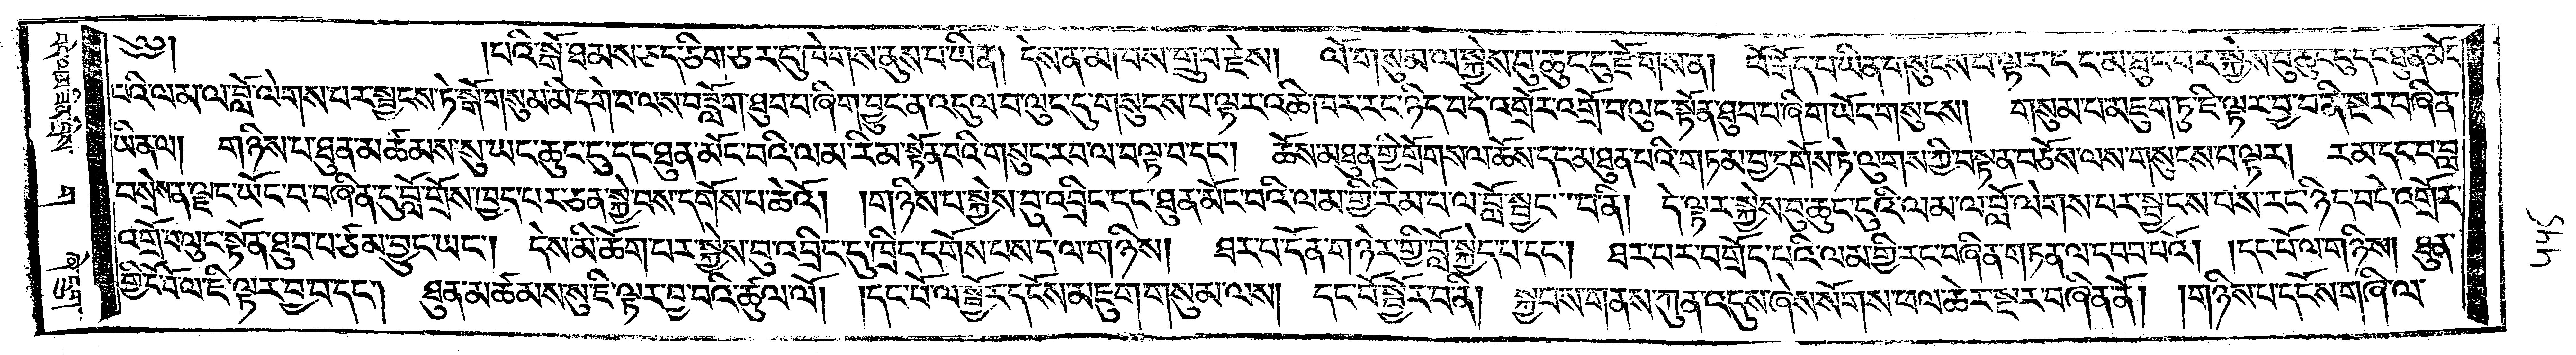༄༅། །བའི་སྒོ་ཐམས་ཅད་ཅིག་ཅར་དུ་ཁེགས་ནུས་པ་ཡིན། དེས་ན་མཁས་གྲུབ་རྗེས། ལོ་གསུམ་ལ་སྐྱེས་བུ་ཆུང་ངུ་རྫོགས་ན། ཕོ་རྒོད་པ་ཡིན་གསུངས་པ་ལྟར་ངང་མཐུང་བར་སྐྱེས་བུ་ཆུང་ངུ་དང་ཐུན་མོང་
བའི་ལམ་ལ་བློ་ལེགས་པར་སྦྱངས་ཏེ་སྒོ་གསུམ་མི་དགེ་བ་ལས་བཟློག་ཐུབ་པ་ཞིག་བྱུང་ན་འདུལ་བ་ལུང་དུ་གསུངས་པ་ལྟར་འཆི་ཁར་རང་ཉིད་བདེ་འགྲོར་འགྲོ་བ་ལུང་སྟོན་ཐུབ་པ་ཞིག་ཡོང་གསུངས། གསུམ་པ་མཇུག་ཏུ་ཇི་ལྟར་བྱ་བ་ནི་སྔར་བཞིན་
ཡིན་ལ། གཉིས་པ་ཐུན་མཚམས་སུ་ཡང་ཆུང་ངུ་དང་ཐུན་མོངས་བའི་ལམ་རིམ་སྟོན་བའི་གསུང་རབ་ལ་བལྟ་བ་དང་། ཆོས་མཐུན་གྱི་གྲོགས་ལ་ཆོས་དང་མཐུན་པའི་གཏམ་བྱ་དགོས་ཏེ་ལུགས་ཀྱི་བསྟན་བཅོས་ལས་གསུངས་པ་ལྟར། རམ་དང་བ་བླ་
བསྲེས་ན་ལྗང་ཡོང་བ་བཞིན་དུ་བློ་གྲོས་ཁྱད་པར་ཅན་སྐྱེ་བས་དགོས་པ་ཆེའོ། །གཉིས་པ་སྐྱེས་བུ་འབྲིང་དང་ཐུན་མོང་བའི་ལམ་གྱི་རིམ་པ་ལ་བློ་སྦྱང་བ་ནི། དེ་ལྟར་སྐྱེས་བུ་ཆུང་ངུའི་ལམ་ལ་བློ་ལེགས་པར་སྦྱངས་པས་རང་ཉིད་བདེ་འགྲོར་
འགྲོ་བ་ལུང་སྟོན་ཐུབ་པ་ཙམ་བྱུང་ཡང་། དེས་མི་ཆོག་པར་སྐྱེས་བུ་འབྲིང་དུ་ཁྲིད་དགོས་པས་དེ་ལ་གཉིས། ཐར་པ་དོན་གཉེར་གྱི་བློ་སྐྱེད་པ་དང་། ཐར་པར་བགྲོད་པའི་ལམ་གྱི་རང་བཞིན་གཏན་ལ་དབབ་པའོ། །དང་པོ་ལ་གཉིས། ཐུན་
གྱི་ངོ་བོ་ལ་ཇི་ལྟར་བྱ་བ་དང་། ཐུན་མཚམས་སུ་ཇི་ལྟར་བྱ་བའི་ཚུལ་ལོ། །དང་པོ་ལ་སྦྱོར་དངོས་མཇུག་གསུམ་ལས། དང་བོ་སྦྱོར་བ་ནི། སྐྱབས་གནས་ཀུན་འདུས་ཞེས་སོགས་ཕལ་ཆེར་སྔར་བཞིན་ནོ། །གཉིས་པ་དངོས་གཞི་ལ་